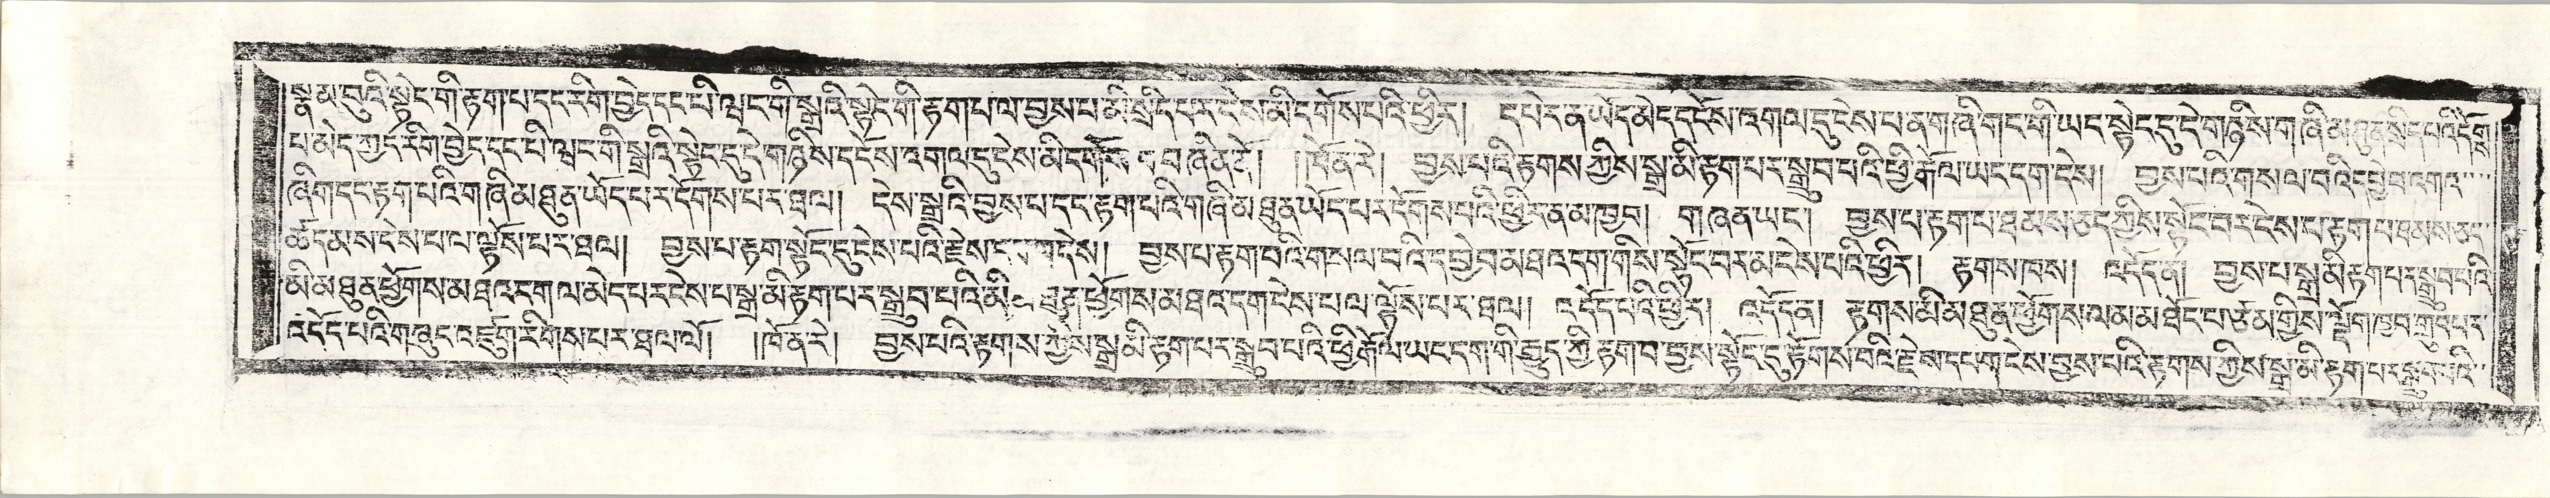སྣམ་བུའི་སྟེང་གི་རྟག་པ་དང་རིག་བྱེད་དང་པི་ཝང་གི་སྒྲའི་སྟེང་གི་རྟག་པ་ལ་བྱས་པ་མི་སྲིད་པར་ངེས་མི་དགོས་པའི་ཕྱིར། དཔེར་ན་ཡོད་མེད་དངོས་འགལ་དུ་ངེས་པ་ན་གཞི་གང་གི་ཡང་སྟེང་དུ་དེ་གཉིས་གཞི་མཐུན་སྲིད་པའི་དོགས་
པ་མེད་ཀྱང་རིག་བྱེད་དང་པི་ཝང་གི་སྒྲའི་སྟེང་དུ་དེ་གཉིས་དངོས་འགལ་དུ་ངེས་མི་དགོས་པ་བཞིན་ནོ།། ཁོ་ན་རེ། བྱས་པའི་རྟགས་ཀྱིས་སྒྲ་མི་རྟག་པར་སྒྲུབ་པའི་ཕྱི་རྒོལ་ཡང་དག་དེས། བྱས་པའི་གསལ་བའི་དབྱེ་བ་འགའ་
ཞིག་དང་རྟག་པའི་གཞི་མཐུན་ཡོད་པར་དོགས་པར་ཐལ། དེས་སྒྲའི་བྱས་པ་དང་རྟག་པའི་གཞི་མཐུན་ཡོད་པར་དོགས་པའི་ཕྱིར་ན་མ་ཁྱབ། གཞན་ཡང་། བྱས་པ་རྟག་པ་ཐམས་ཅད་ཀྱིས་སྟོང་བར་ངེས་པ་རྟག་པ་ཐམས་ཅད་
ཚད་མས་ངེས་པ་ལ་ལྟོས་པར་ཐལ། བྱས་པ་རྟག་སྟོང་དུ་ངེས་པའི་རྗེས་དཔག་དེས། བྱས་པ་རྟག་པའི་གསལ་བའི་དབྱེ་བ་མཐའ་དག་གིས་སྟོང་བར་མ་ངེས་པའི་ཕྱིར། རྟགས་ཁས། འདོད་ན། བྱས་པ་སྒྲ་མི་རྟག་པར་སྒྲུབ་པའི་
མི་མཐུན་ཕྱོགས་མཐའ་དག་ལ་མེད་པར་ངེས་པ་སྒྲ་མི་རྟག་པར་སྒྲུབ་པའི་མི་མཐུན་ཕྱོགས་མཐའ་དག་ངེས་པ་ལ་ལྟོས་པར་ཐལ། འདོད་པའི་ཕྱིར། འདོད་ན། རྟགས་མི་མཐུན་ཕྱོགས་ལ་མ་མཐོང་བ་ཙམ་གྱིས་ལྡོག་ཁྱབ་གྲུབ་པར་
འདོད་པའི་གཞུང་འཛུག་རིགས་པར་ཐལ་ལོ། །ཁོ་ན་རེ། བྱས་པའི་རྟགས་ཀྱིས་སྒྲ་མི་རྟག་པར་སྒྲུབ་པའི་ཕྱི་རྒོལ་ཡང་དག་གི་རྒྱུད་ཀྱི་རྟག་པ་བྱས་སྟོང་དུ་རྟོགས་པའི་རྗེས་དཔག་དེས་བྱས་པའི་རྟགས་ཀྱིས་སྒྲ་མི་རྟག་པར་སྒྲུབ་པའི་